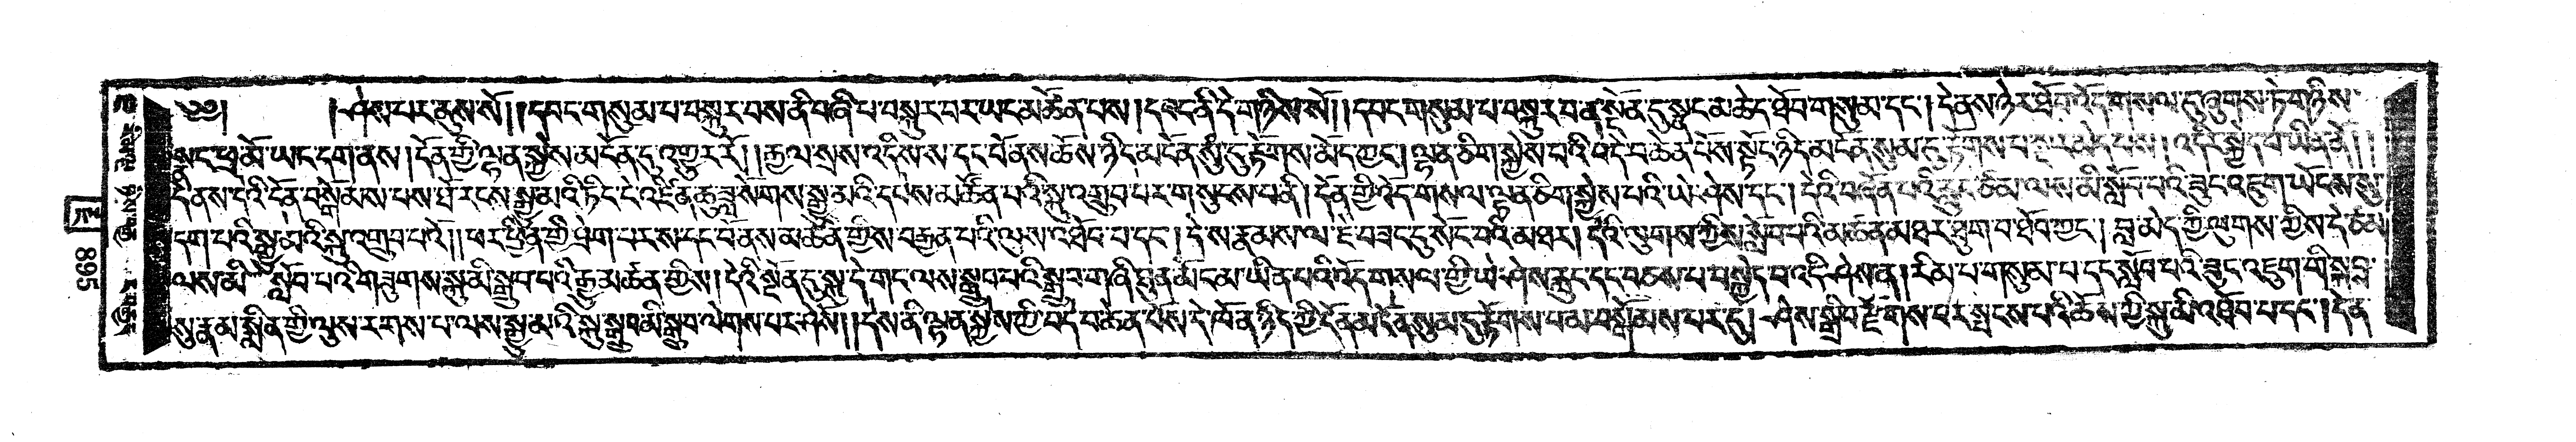༄༅། །ཤེས་པར་ནུས་སོ། །དབང་གསུམ་པ་བསྐུར་བས་ནི་བཞི་པ་བསྐུར་བར་ཡང་མཚོན་པས། དབང་ནི་དེ་གཉིས་སོ། །དབང་གསུམ་པ་བསྐུར་བ་ན་སྔོན་དུ་སྣང་མཆེད་ཐོབ་གསུམ་དང་། དེ་ནས་ཉེར་ཐོབ་འོད་གསལ་དུ་ཞུགས་ཏེ་གཉིས་
སྣང་ཕྲ་མོ་ཡང་དག་ནས། དོན་གྱི་ལྷན་སྐྱེས་མངོན་དུ་འགྱུར་རོ། །རྒྱལ་སྲས་འདིས་ས་དང་པོ་ནས་ཆོས་ཉིད་མངོན་སུམ་དུ་རྟོགས་མོད་ཀྱང་། ལྷན་ཅིག་སྐྱེས་པའི་བདེ་བ་ཆེན་པོས་སྟོང་ཉིད་མངོན་སུམ་དུ་རྟོགས་པ་སྔར་མེད་པས། འདིར་སྐྱེད་པ་ཡིན་ནོ། །
དེ་ནས་དེའི་དོན་བསྒོམས་པས་ཐོ་རངས་སྒྱུ་མའི་ཏིང་ངེ་འཛིན་ཆུ་ཟླ་སོགས་སྒྱུ་མའི་དཔེས་མཚོན་པའི་སྐུ་འགྲུབ་པར་གསུངས་པ་ནི། དོན་གྱི་འོད་གསལ་ལྷན་ཅིག་སྐྱེས་པའི་ཡེ་ཤེས་དང་། དེའི་བཞོན་པའི་རླུང་ཙམ་ལས་མི་སློབ་པའི་ཟུང་འཇུག་ཡོངས་སུ་
དག་པའི་སྒྱུ་མའི་སྐུ་འགྲུབ་པའོ། །ཕར་ཕྱིན་གྱི་ཐེག་པར་ས་དང་པོ་ནས་མཚན་གྱིས་བརྒྱན་པའི་ལུས་འཐོབ་པ་དང་། དེ་ས་རྣམས་ལ་ཇེ་བཟང་དུ་སོང་བའི་མཐར། དེའི་ལུགས་ཀྱིས་སློབ་པའི་མཚན་མཐར་ཐུག་པ་ཐོབ་ཀྱང་། བླ་མེད་ཀྱི་ལུགས་ཀྱིས་དེ་ཙམ་
ལས་མི་སློབ་པའི་གཟུགས་སྐུ་མི་སྒྲུབ་པའི་རྒྱུ་མཚན་གྱིས། དེའི་སྔོན་དུ་སྐུ་དེ་གང་ལས་སྒྲུབ་པའི་སྒྲུབ་གཞི་ཐུན་མོང་མ་ཡིན་པའི་འོད་གསལ་གྱི་ཡེ་ཤེས་རླུང་དང་བཅས་པ་བསྐྱེད་པ་འདི་ཤེས་ན། རིམ་པ་གསུམ་པ་དང་སློབ་པའི་ཟུང་འཇུག་གི་སྐབས་
སུ་རྣམ་སྨིན་གྱི་ལུས་རགས་པ་ལས་སྒྱུ་མའི་སྐུ་སྒྲུབ་མི་སྒྲུབ་ལེགས་པར་ཤེས་སོ། །དེས་ནི་ལྷན་སྐྱེས་ཀྱི་བདེ་བ་ཆེན་པོས་དེ་ཁོ་ན་ཉིད་ཀྱི་དོན་མངོན་སུམ་དུ་རྟོགས་པ་མ་བསྒོམས་པར་དུ། ཤེས་སྒྲིབ་རྫོགས་པར་སྤངས་པའི་ཆོས་ཀྱི་སྐུ་མི་འཐོབ་པ་དང་། དོན་